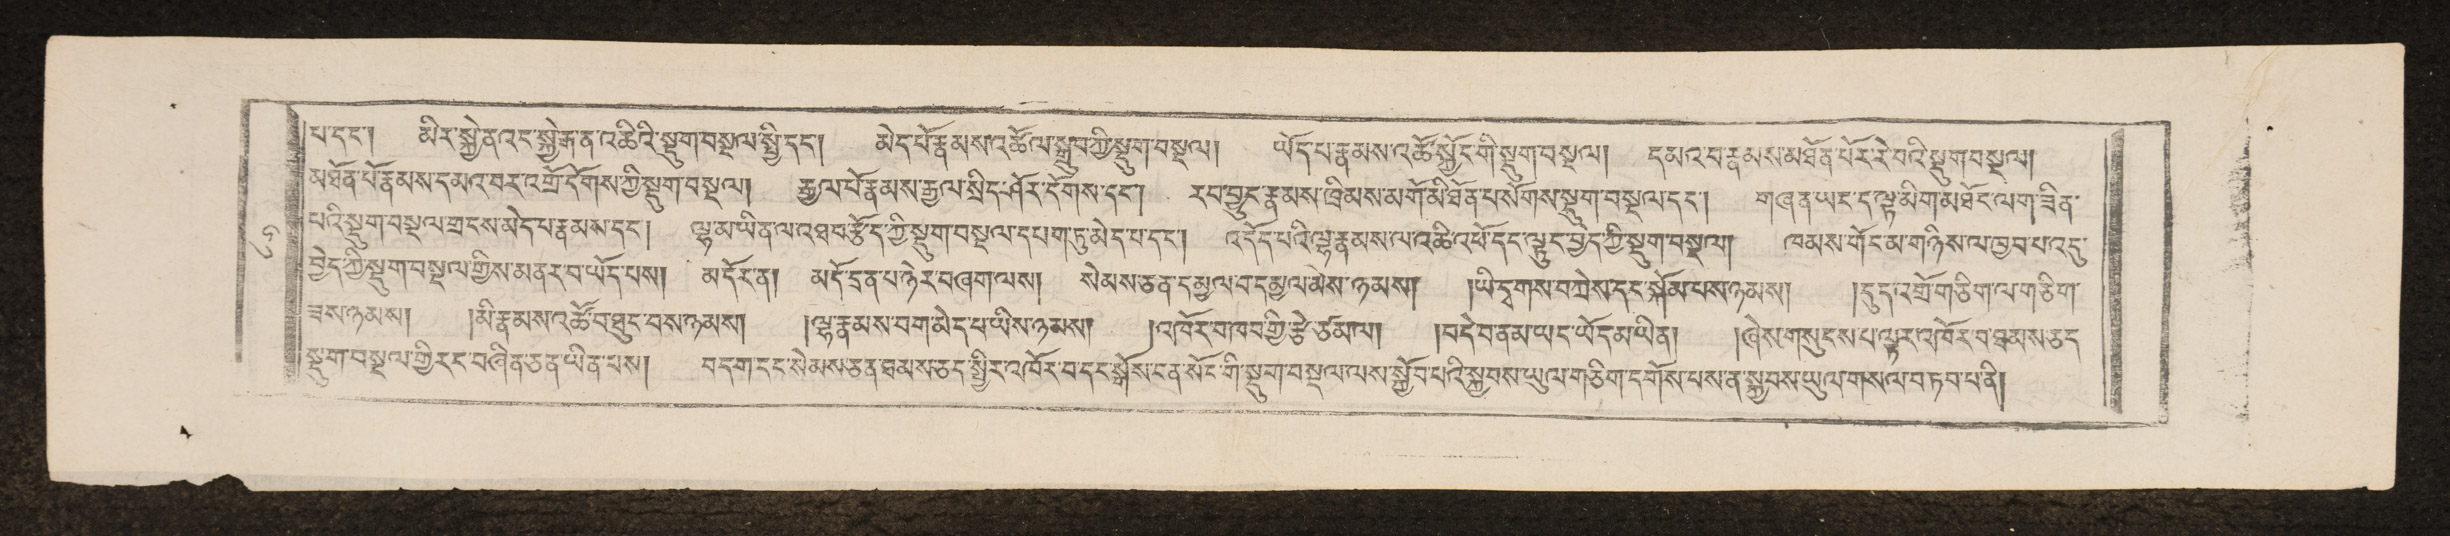པ་དང་། མིར་སྐྱེ་ནའང་སྐྱེ་རྒ་ན་འཆིའི་སྡུག་བསྔལ་སྤྱི་དང་། མེད་པོ་རྣམས་འཚོལ་སྒྲུབ་གྱི་སྡུག་བསྔལ། ཡོད་པ་རྣམས?་འཚོ་སྐྱོང་གི་སྡུག་བསྔལ། དམའ་བ་རྣམས་མཐོན་པོར་རེ་བའི་སྡུག་བསྔལ།
མཐོན་པོ་རྣམས་དམའ་བར་འགྲོ་དོགས་ཀྱི་སྡུག་བསྔལ། རྒྱལ་པོ་རྣམས་རྒྱལ་སྲིད་ཤོར་དོགས་དང་། རབ་བྱུང་རྣམས་ཁྲིམས་མགོ་མི་ཐོན་པ་སོགས་སྡུག་བསྔལ་དང་། གཞན་ཡང་ད་ལྟ་མིག་མཐོང་ལག་ཟིན་
པའི་སྡུག་བསྔལ་གྲངས་མེད་པ་རྣམས་དང་། ལྷ་མ་ཡིན་ལ་འཐབ་རྩོད་ཀྱི་སྡུག་བསྔལ་དཔག་ཏུ་མེད་པ་དང་། འདོད་པའི་ལྷ་རྣམས་ལ་འཆི་འཕོ་དང་ལྟུང་བྱེད་ཀྱི་སྡུག་བསྔལ། ཁམས་གོང་མ་གཉིས་ལ་ཁྱབ་པ་འདུ་
བྱེད་ཀྱི་སྡུག་བསྔལ་གྱིས་མནར་བ་ཡོད་པས། མདོར་ན། མདོ་དྲན་པ་ཉེར་བཞག་ལས། སེམས་ཅན་དམྱལ་བ་དམྱལ་མེས་ཉམས། །ཡི་དྭགས་བཀྲེས་དང་སྐོམ་པས་ཉམས། །དུད་འགྲོ་གཅིག་ལ་གཅིག་
ཐས?་ཉམས། །མི་རྣམས་འཚོ་བ་ཐུང་བས་ཉམས། །ལྷ་རྣམས་བག་མེད་པ་ཡིས་ཉམས། །འཁོར་བ་ཁབ་ཀྱི་རྩེ་ཙམ་ལ། །བདེ་བ་ནམ་ཡང་ཡོད་མ་ཡིན། །ཞེས་གསུངས་པ་ལྟར་འཁོར་བ་ཐམས་ཅད་
སྡུག་བསྔལ་གྱི་རང་བཞིན་ཅན་ཡིན་པས། བདག་དང་སེམས་ཅན་ཐམས་ཅད་སྤྱིར་འཁོར་བ་དང་སྐོས་ངན་སོང་གི་སྡུག་བསྔལ་ལས་སྐྱོབ་པའི་སྐྱབས་ཡུལ་གཅིག་དགོས་པས་ན་སྐྱབས་ཡུལ་གསལ་བཏབ་བ?་ནི།